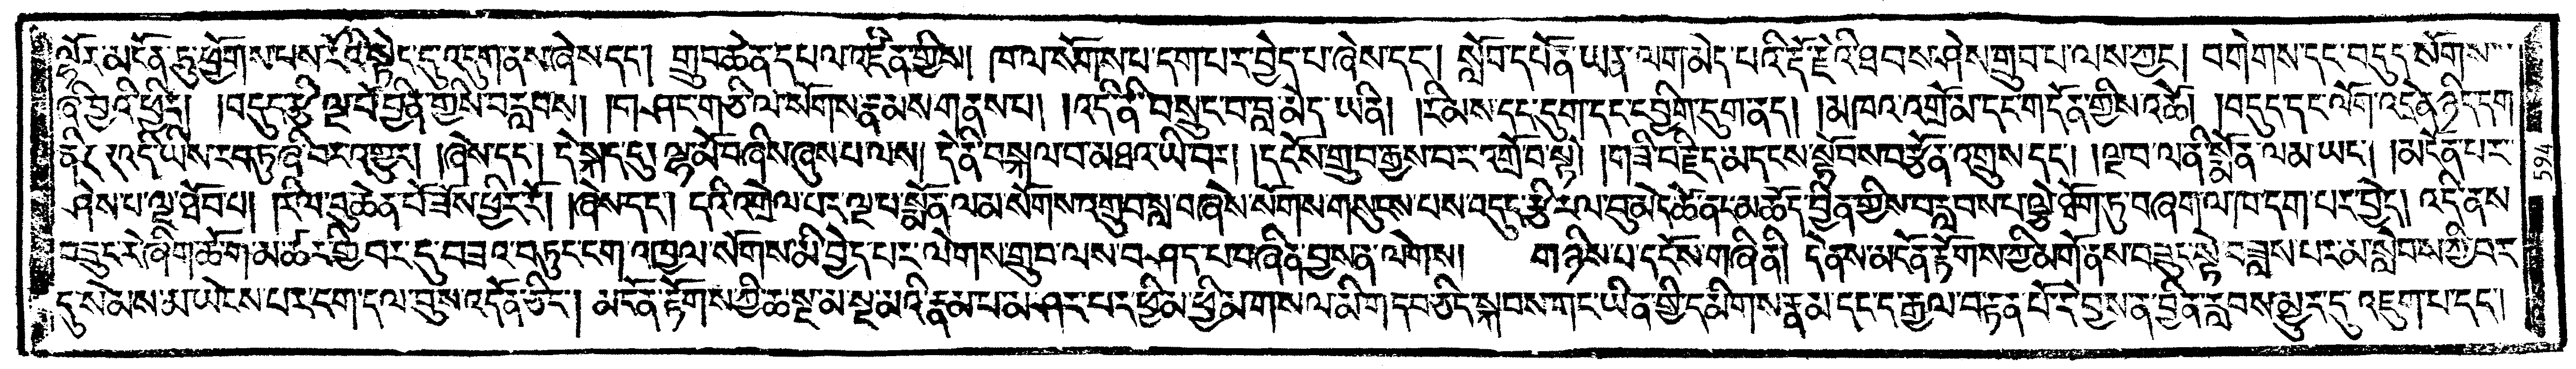ལྷོར་མངོན་དུ་ཕྱོགས་པས་རོའི་སྟེང་དུ་འདུག་ནས་ཞེས་དང་། གྲུབ་ཆེན་དཔལ་འཛིན་གྱིས། ཁ་ལ་སོགས་པ་དག་པར་བྱེད་པ་ཞེས་དང་། སློབ་དཔོན་ཡན་ལག་མེད་པའི་རྡོ་རྗེའི་ཐབས་ཤེས་གྲུབ་པ་ལས་ཀྱང་། བགེགས་དང་བདུད་སོགས་
ཞི་བྱའི་ཕྱིར། །བདུད་རྩི་ལྔ་པོ་བྱིན་གྱིས་བརླབས། །གཤང་གཅི་ལ་སོགས་རྣམས་གནས་པ། །འདི་ནི་བསྲུང་བ་བླ་མེད་ཡིན། །རིམས་དང་དུག་དང་དབྱིག་དུག་ནད། །མཁའ་འགྲོ་མ་དང་གདོན་གྱིས་འཚེ། །བདུད་དང་ལོག་འདྲེན་ཉིད་དག་
ནི༑ ༑འདི་ཡིས་རབ་ཏུ་ཞི་བར་འགྱུར། །ཞེས་དང་། དེ་སྐད་དུ། ལྷ་མོ་བཞིས་ཞུས་པ་ལས། དེ་ནི་བསྐལ་བ་མཐའ་ཡི་བར། །དངོས་གྲུབ་རྒྱས་པར་འགྲོ་བ་སྟེ། །གཟི་བརྗིད་མདངས་སྟོབས་བརྩོན་འགྲུས་དང་། །ལྔ་པ་ལ་ནི་སྨོན་ལམ་ཡང་། །མངོན་པར་
ཤེས་པ་ལྔ་ཐོབ་པ། །རིལ་བུ་ཆེན་པོ་ཟོས་ཕྱིར་རོ། །ཞེས་དང་། དེའི་འགྲེལ་པར་ལྔ་པ་སྨོན་ལམ་སོགས་འགྲུབ་སླ་བ་ཞེས་སོགས་གསུངས་པས་བདུད་རྩི་རིལ་བུ་མེད་ཚེ་ནང་མཆོད་བྱིན་གྱིས་བརླབས་པ་ལྕེ་ཐོག་ཏུ་བཞག་ལ་ཁ་དག་པར་བྱེད། འདི་ནས་
བཟུང་རེ་ཞིག་ཆོ་ག་མཚར་གྱི་བར་དུ་བཟའ་བཏུང་ངག་འཁྱལ་སོགས་མི་བྱེད་པར་ལེགས་གྲུབ་ལས་བཤད་པ་བཞིན་བྱས་ན་ལེགས། གཉིས་པ་དངོས་གཞི་ནི། དེ་ནས་མངོན་རྟོགས་ཀྱི་མགོ་ནས་བཟུང་སྟེ་བཟླས་པར་མ་སླེབས་ཀྱི་བར་
དུ་སེམས་མ་ཡེངས་པར་ངག་དལ་བུས་འདོན་ཅིང་། མངོན་རྟོགས་ཀྱི་ཆ་སྔ་མ་སྔ་མའི་རྣམ་པ་མ་ཤར་བར་ཕྱི་མ་ཕྱི་མ་གསལ་མི་གདབ་ཅིང་སྐབས་གང་ཡིན་གྱི་དམིགས་རྣམ་དང་ང་རྒྱལ་བརྟན་པོ་དེ་བྱས་ན་བྱིན་རླབས་མྱུར་དུ་འཇུག་པ་དང་།